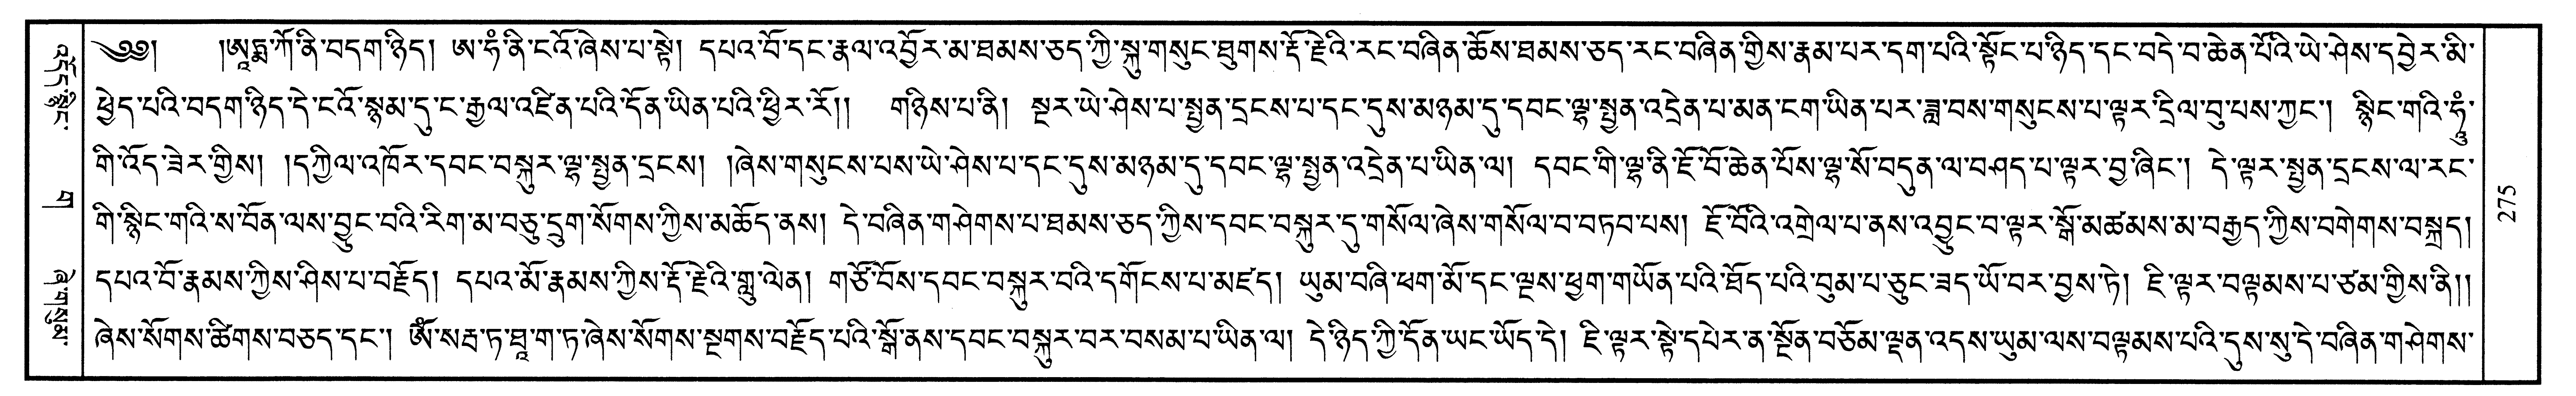༄༅། །ཨཱཏྨ་ཀོ་ནི་བདག་ཉིད། ཨ་ཧཾ་ནི་ངའོ་ཞེས་པ་སྟེ། དཔའ་བོ་དང་རྣལ་འབྱོར་མ་ཐམས་ཅད་ཀྱི་སྐུ་གསུང་ཐུགས་རྡོ་རྗེའི་རང་བཞིན་ཆོས་ཐམས་ཅད་རང་བཞིན་གྱིས་རྣམ་པར་དག་པའི་སྟོང་པ་ཉིད་དང་བདེ་བ་ཆེན་པོའི་ཡེ་ཤེས་དབྱེར་མི་
ཕྱེད་པའི་བདག་ཉིད་དེ་ངའོ་སྙམ་དུ་ང་རྒྱལ་འཛིན་པའི་དོན་ཡིན་པའི་ཕྱིར་རོ།། གཉིས་པ་ནི། སྔར་ཡེ་ཤེས་པ་སྤྱན་དྲངས་པ་དང་དུས་མཉམ་དུ་དབང་ལྷ་སྤྱན་འདྲེན་པ་མན་ངག་ཡིན་པར་ཟླ་བས་གསུངས་པ་ལྟར་དྲིལ་བུ་པས་ཀྱང་། སྙིང་གའི་ཧཱུཾ་
གི་འོད་ཟེར་གྱིས། །དཀྱིལ་འཁོར་དབང་བསྐུར་ལྷ་སྤྱན་དྲངས། །ཞེས་གསུངས་པས་ཡེ་ཤེས་པ་དང་དུས་མཉམ་དུ་དབང་ལྷ་སྤྱན་འདྲེན་པ་ཡིན་ལ། དབང་གི་ལྷ་ནི་ཇོ་བོ་ཆེན་པོས་ལྷ་སོ་བདུན་ལ་བཤད་པ་ལྟར་བྱ་ཞིང་། དེ་ལྟར་སྤྱན་དྲངས་ལ་རང་
གི་སྙིང་གའི་ས་བོན་ལས་བྱུང་བའི་རིག་མ་བཅུ་དྲུག་སོགས་ཀྱིས་མཆོད་ནས། དེ་བཞིན་གཤེགས་པ་ཐམས་ཅད་ཀྱིས་དབང་བསྐུར་དུ་གསོལ་ཞེས་གསོལ་བ་བཏབ་པས། ཇོ་བོའི་འགྲེལ་པ་ནས་འབྱུང་བ་ལྟར་སྒོ་མཚམས་མ་བརྒྱད་ཀྱིས་བགེགས་བསྐྲད།
དཔའ་བོ་རྣམས་ཀྱིས་ཤིས་པ་བརྗོད། དཔའ་མོ་རྣམས་ཀྱིས་རྡོ་རྗེའི་གླུ་ལེན། གཙོ་བོས་དབང་བསྐུར་བའི་དགོངས་པ་མཛད། ཡུམ་བཞི་ཕག་མོ་དང་ལྔས་ཕྱག་གཡོན་པའི་ཐོད་པའི་བུམ་པ་ཅུང་ཟད་ཡོ་བར་བྱས་ཏེ། ཇི་ལྟར་བལྟམས་པ་ཙམ་གྱིས་ནི།།
ཞེས་སོགས་ཚིགས་བཅད་དང་། ཨོཾ་སརྦ་ཏ་ཐཱ་ག་ཏ་ཞེས་སོགས་སྔགས་བརྗོད་པའི་སྒོ་ནས་དབང་བསྐུར་བར་བསམ་པ་ཡིན་ལ། དེ་ཉིད་ཀྱི་དོན་ཡང་ཡོད་དེ། ཇི་ལྟར་སྟེ་དཔེར་ན་སྔོན་བཅོམ་ལྡན་འདས་ཡུམ་ལས་བལྟམས་པའི་དུས་སུ་དེ་བཞིན་གཤེགས་